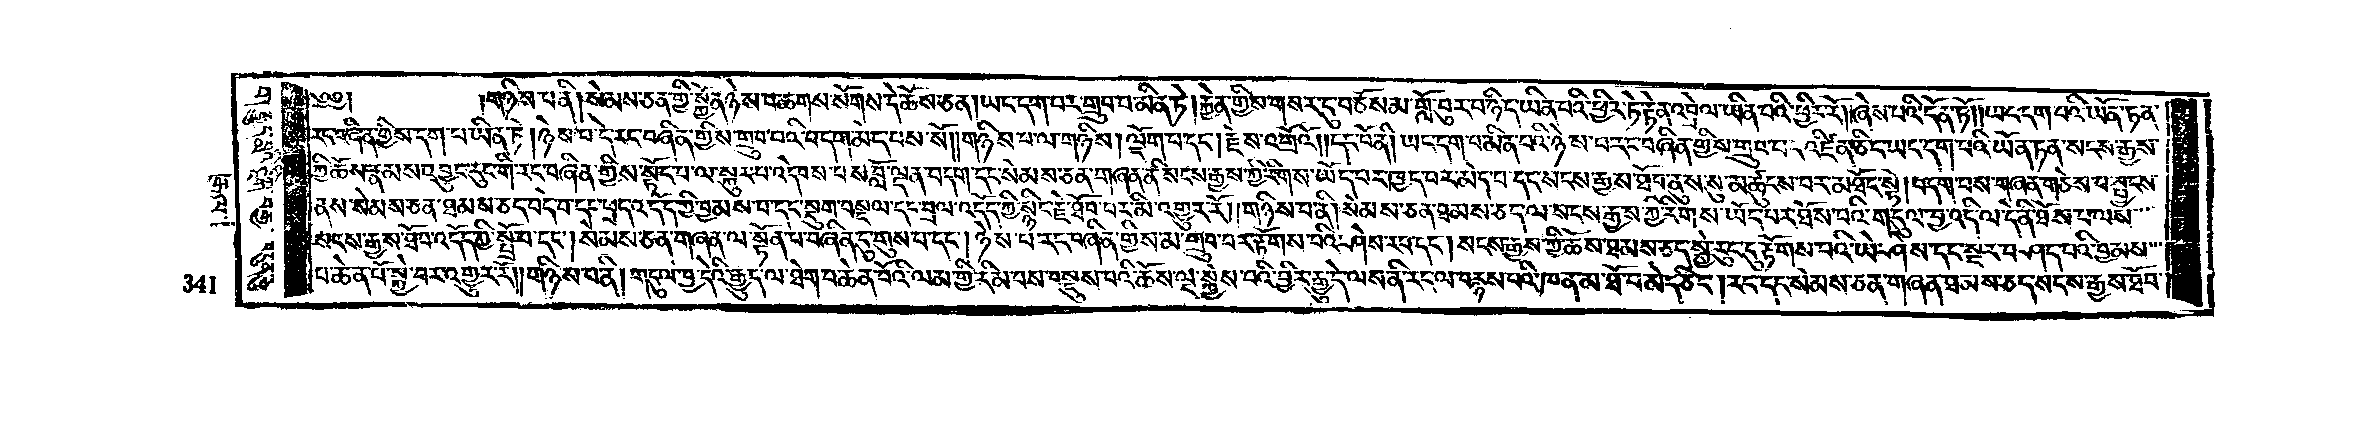༄༅། །གཉིས་པ་ནི། སེམས་ཅན་གྱི་སྐྱོན་ཉེས་པ་ཆགས་སོགས་དེ་ཆོས་ཅན། ཡང་དག་པར་གྲུབ་པ་མིན་ཏེ། རྐྱེན་གྱིས་གསར་དུ་བཅོས་མ་གློ་བུར་བ་ཉིད་ཡིན་པའི་ཕྱིར་ཏེ་རྟེན་འབྲེལ་ཡིན་པའི་ཕྱིར་རོ། །ཞེས་པའི་དོན་ཏོ། །ཡང་དག་པའི་ཡོན་ཏན་
རང་བཞིན་གྱིས་དག་པ་ཡིན་ཏེ། ཉེས་པ་དེ་རང་བཞིན་གྱིས་གྲུབ་པའི་བདག་མེད་པས་སོ། །གཉིས་པ་ལ་གཉིས། ལྡོག་པ་དང་། རྗེས་འགྲོའོ། །དང་པོ་ནི། ཡང་དག་པ་མིན་པའི་ཉེས་པ་རང་བཞིན་གྱིས་གྲུབ་པར་འཛིན་ཅིང་ཡང་དག་པའི་ཡོན་ཏན་སངས་རྒྱས་
ཀྱི་ཆོས་རྣམས་འབྱུང་རུང་གི་རང་བཞིན་གྱིས་སྟོང་པ་ལ་སྐུར་བ་འདེབས་པས་བློ་ལྡན་བདག་དང་སེམས་ཅན་གཞན་ནི་སངས་རྒྱས་ཀྱི་རིགས་ཡོད་པར་ཁྱད་པར་མེད་པ་དང་སངས་རྒྱས་ཐོབ་ནུས་སུ་མཚུངས་པར་མཐོང་སྟེ། བདག་པས་གཞན་གཅེས་པ་སྦྱངས་
ནས་སེམས་ཅན་ཐམས་ཅད་བདེ་བ་དང་ཕྲད་འདོད་ཀྱི་བྱམས་པ་དང་སྡུག་བསྔལ་དང་བྲལ་འདོད་ཀྱི་སྙིང་རྗེ་ཐོབ་པར་མི་འགྱུར་རོ། །གཉིས་པ་ནི། སེམས་ཅན་ཐམས་ཅད་ལ་སངས་རྒྱས་ཀྱི་རིགས་ཡོད་པར་ཐོས་པའི་གདུལ་བྱ་འདི་ལ་དེ་ནི་ཐོས་པ་ལས་
སངས་རྒྱས་ཐོབ་འདོད་ཀྱི་སྤྲོ་བ་དང་། སེམས་ཅན་གཞན་ལ་སྟོན་པ་བཞིན་དུ་གུས་པ་དང་། ཉེས་པ་རང་བཞིན་གྱིས་མ་གྲུབ་པར་རྟོགས་པའི་ཤེས་རབ་དང་། སངས་རྒྱས་ཀྱི་ཆོས་ཐམས་ཅད་སྐྱེ་རུང་དུ་རྟོགས་པའི་ཡེ་ཤེས་དང་སྔར་བཤད་པའི་བྱམས་
པ་ཆེན་པོ་སྐྱེ་བར་འགྱུར་རོ། །གཉིས་པ་ནི། གདུལ་བྱ་དེའི་རྒྱུད་ལ་ཐེག་པ་ཆེན་པོའི་ལམ་གྱི་རིམ་པས་བསྡུས་པའི་ཆོས་ལྔ་སྐྱེས་པའི་ཕྱིར་རྒྱུ་དེ་ལས་ནི་རང་ལ་བརྙས་པའི་ཁ་ན་མ་ཐོ་བས་མེད་ཅིང་། རང་དང་སེམས་ཅན་གཞན་ཐམས་ཅད་སངས་རྒྱས་ཐོབ་